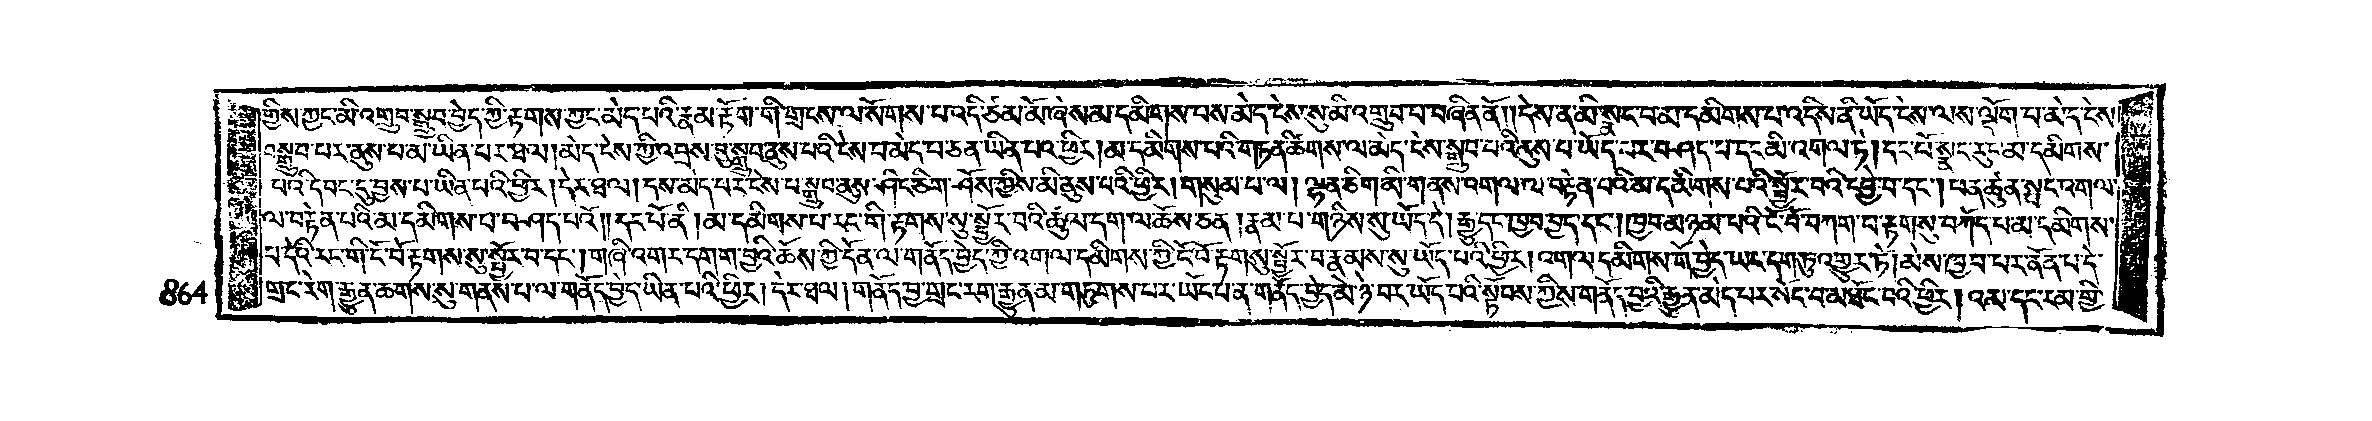གྱིས་ཀྱང་མི་འགྲུབ་སྒྲུབ་བྱེད་ཀྱི་རྟགས་ཀྱང་མེད་པའི་རྣམ་རྟོག་གི་གྲངས་ལ་སོགས་པ་འདི་ཙམ་མོ་ཞེས་མ་དམིགས་པས་མེད་ངེས་སུ་མི་འགྲུབ་པ་བཞིན་ནོ། །དེས་ན་མི་སྣང་བ་མ་དམིགས་པ་འདིས་ནི་ཡོད་ངེས་ལས་ལྡོག་པ་མེད་ངེས་
བསྒྲུབ་པར་ནུས་པ་མ་ཡིན་པར་ཐལ། མེད་ངེས་ཀྱི་འབྲས་བུ་སྒྲུབ་ནུས་པའི་ངེས་པ་མེད་པ་ཅན་ཡིན་པའི་ཕྱིར། མ་དམིགས་པའི་གཏན་ཚིགས་ལ་མེད་ངེས་སྒྲུབ་པའི་ནུས་པ་ཡོད་པར་བཤད་པ་དང་མི་འགལ་ཏེ། དང་པོ་སྣང་རུང་མ་དམིགས་
པའི་དབང་དུ་བྱས་པ་ཡིན་པའི་ཕྱིར། དེར་ཐལ། ངས་མེད་པར་ངེས་པ་སྒྲུབ་ནུས་ཤིང་ཅིག་ཤོས་ཀྱིས་མི་ནུས་པའི་ཕྱིར། གསུམ་པ་ལ། ལྷན་ཅིག་མི་གནས་འགལ་ལ་བརྟེན་པའི་མ་དམིགས་པའི་སྦྱོར་བའི་དབྱེ་བ་དང་། ཕན་ཚུན་སྤང་འགལ་
ལ་བརྟེན་པའི་མ་དམིགས་པ་བཤད་པའོ། །དང་པོ་ནི། མ་དམིགས་པ་རང་གི་རྟགས་སུ་སྦྱོར་བའི་ཚུལ་དག་ལ་ཆོས་ཅན། རྣམ་པ་གཉིས་སུ་ཡོད་དེ། རྒྱུ་དང་ཁྱབ་བྱད་དང་། ཁྱབ་མཉམ་པའི་ངོ་བོ་བཀག་པ་རྟག་སུ་བཀོད་པ་མ་དམིགས་
པ་དེའི་རང་གི་ངོ་བོ་རྟགས་སུ་སྦྱོར་བ་དང་། གཞི་འགར་དགག་བྱའི་ཆོས་ཀྱི་དོན་ལ་གནོད་བྱེད་ཀྱི་འགལ་དམིགས་ཀྱི་ངོ་བོ་རྟག་སུ་སྦྱོར་བ་རྣམས་སུ་ཡོད་པའི་ཕྱིར། འགལ་དམིགས་གོ་བྱེད་ཡང་དག་ཏུ་འགྱུར་ཏེ། མེས་ཁྱབ་པར་ནོན་པ་དེ་
གྲང་རིག་རྒྱུན་ཆགས་སུ་གནས་པ་ལ་གནོད་བྱེད་ཡིན་པའི་ཕྱིར། དེར་ཐལ། གནོད་བྱ་གྲང་རག་རྒྱུན་མ་གཏུགས་པར་ཡོང་པ་ན་གནོད་བྱེད་མེ་ཉེ་བར་ཡོད་པའི་སྟོབས་ཀྱིས་གནོད་བྱའི་རྒྱུན་མེད་པར་སོང་བ་མཐོང་བའི་ཕྱིར། འམ་དང་རམ་གྱི་